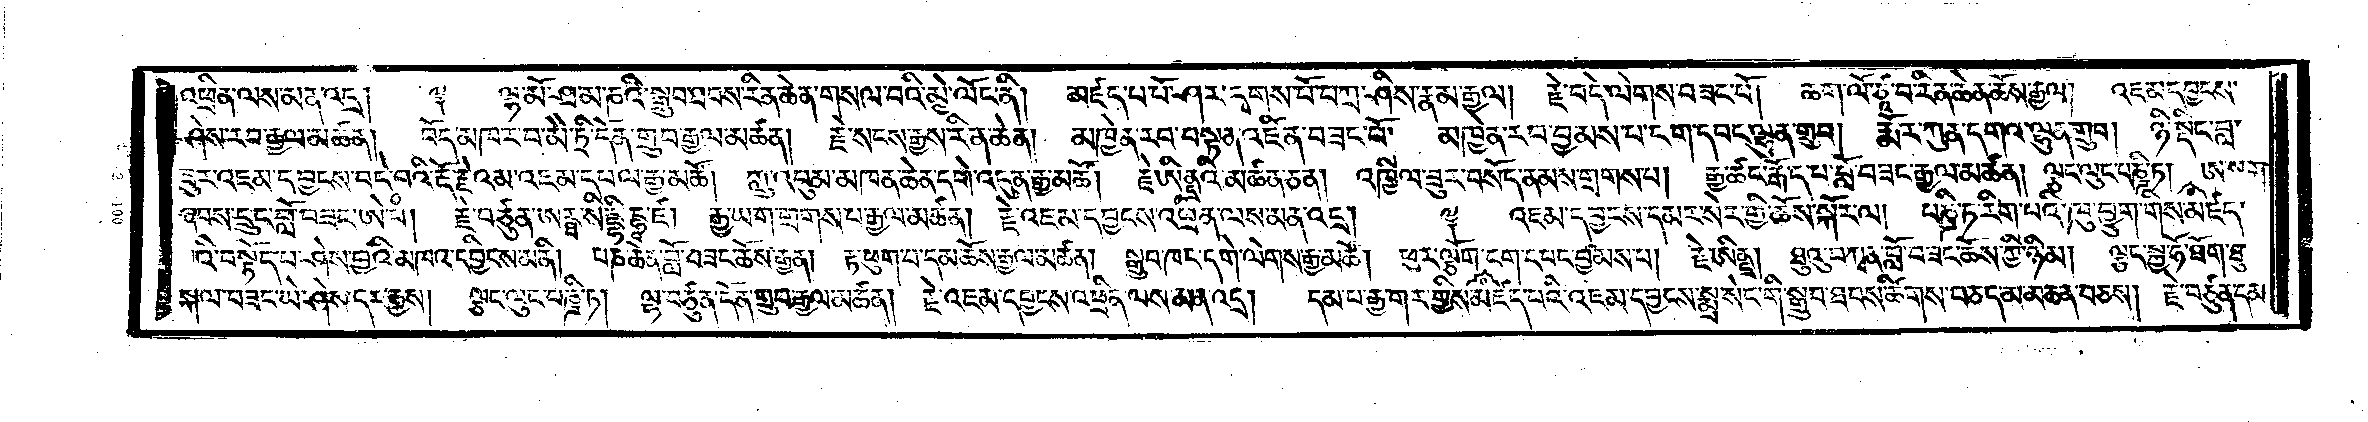འཕྲིན་ལས་མན་འདྲ། ༈ ལྷ་མོ་ཤྲ་མ་ཎའི་སྒྲུབ་ཐབས་རིན་ཆེན་གསལ་བའི་མེ་ལོང་ནི། མཛད་པ་པོ་ཤར་དྭགས་པོ་བཀྲ་ཤིས་རྣམ་རྒྱལ། རྗེ་བདེ་ལེགས་བཟང་ངོ། ཆག་ལོ་ཙཱ་བ་རིན་ཆེན་ཆོས་རྒྱལ། འཇམ་དབྱངས་
ཤེས་རབ་རྒྱལ་མཚན། བོད་མཁར་བ་མཻ་ཏྲི་དོན་གྲུབ་རྒྱལ་མཚན། རྗེ་སངས་རྒྱས་རིན་ཆེན། མཁྱེན་རབ་བསྟན་འཛིན་བཟང་པོ། མཁྱེན་རབ་བྱམས་པ་ངག་དབང་ལྷུན་གྲུབ། རྨོར་ཀུན་དགའ་ལྷུན་གྲུབ། ཉི་སྡིང་བླ་
ཟུར་འཇམ་དབྱངས་བདེ་བའི་རྡོ་རྗེའམ་འཇམ་དཔལ་རྒྱ་མཚོ། ཀླུ་འབུམ་མཁན་ཆེན་དགེ་འདུན་རྒྱ་མཚོ། རྗེ་ཨིནྡྲའི་མཚན་ཅན། འཁྱིལ་ཟུར་བསོད་ནམས་གྲགས་པ། རྒྱ་ཚང་རྒོད་པ་བློ་བཟང་རྒྱལ་མཚན། ལྕང་ལུང་པཎྜི་ཏ། ཨ་སག་
ཞབས་དྲུང་བློ་བཟང་ཨེ་པཾ། རྗེ་བཙུན་ཨརྠ་སིདྡྷི་དྷཱ་ཛ། རྒྱ་ཡིག་གྲགས་པ་རྒྱལ་མཚན། རྗེ་འཇམ་དབྱངས་འཕྲིན་ལས་མན་འདྲ། ༈ འཇམ་དབྱངས་དམར་སེར་གྱི་ཆོས་སྐོར་ལ། པཎྜི་ཏ་རིག་པའི་ཁུ་བྱུག་གིས་མཛད་
པའི་བསྟོད་པ་ཤེས་བྱའི་མཁའ་དབྱིངས་མནི། པཎ་ཆེན་བློ་བཟང་ཆོས་རྒྱན། རྟ་ཕུག་པ་དམ་ཆོས་རྒྱལ་མཚན། སྒྲུབ་ཁང་དགེ་ལེགས་རྒྱ་མཚོ། ཕུར་ལྕོག་ངག་དབང་བྱམས་པ། རྗེ་ཨིནྡྲ། ཐུའུ་བཀྭན་བློ་བཟང་ཆོས་ཀྱི་ཉི་མ། ལྕང་སྐྱ་ཧོ་ཐོག་ཐུ་
སྐལ་བཟང་ཡེ་ཤེས་དར་རྒྱས། ལྕང་ལུང་པཎྜི་ཏ། ལྷ་བཙུན་དོན་གྲུབ་རྒྱལ་མཚན། རྗེ་འཇམ་དབྱངས་འཕྲིན་ལས་མན་འདྲ། དམ་པ་རྒྱ་གར་གྱིས་མཛད་པའི་འཇམ་དབྱངས་སྨྲ་སེང་གི་སྒྲུབ་ཐབས་ཚིགས་བཅད་མ་མཆན་བཅས། རྗེ་བཙུན་དམ་